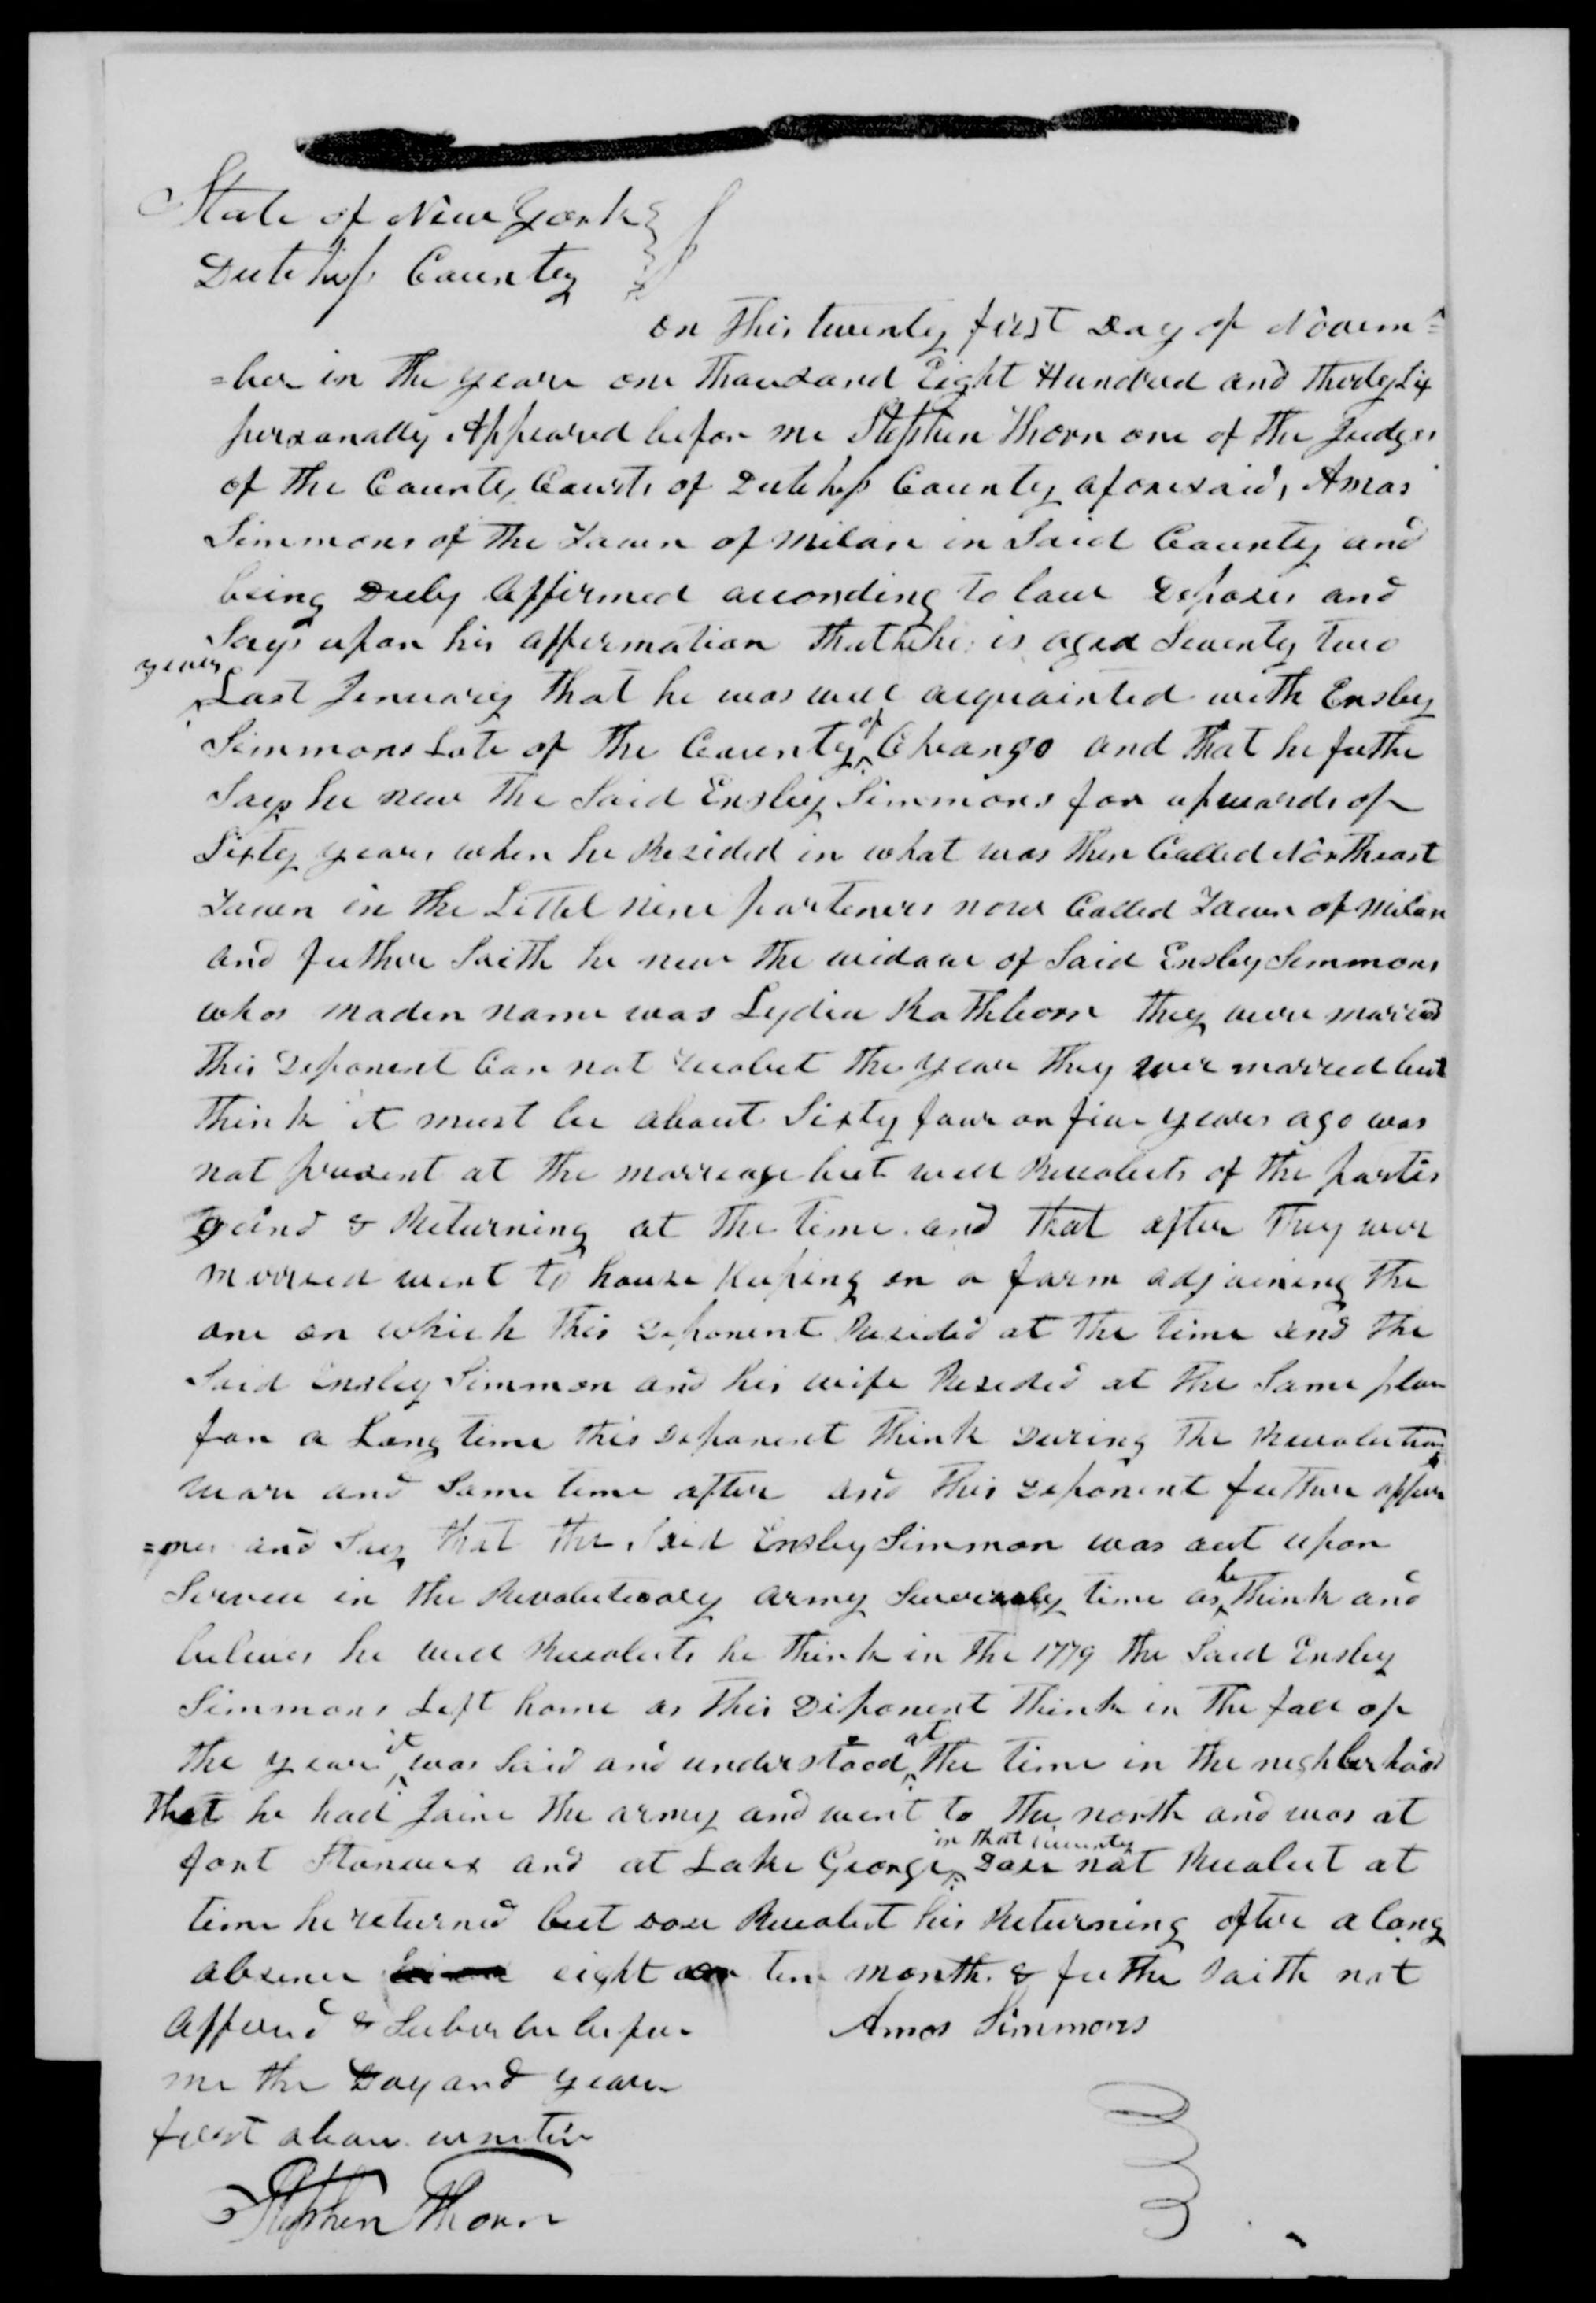State of New York, Dutchess County ss
On this Twenty first day of November in the year one thousand eight hundred and thirty six personally appeared before me Stephen Thorn one of the Judges of the County Court of Dutchess County aforesaid, Amos Simmons of the town of Milan in said County and being duly affirmed according to law deposes and says upon his affirmation that he is aged seventy two years last January. That he was well acquainted with Ensley Simmons late of the county of Chenango and that he futher says he new the said Ensley Simmons for upwards of sixty years when  he resided in what was then called Northeast Larun in the Littel Nine parteners now called Town of Milan and further saith he new the widow of said Ensley Simmons whos maden name was Lydia Rathborn. They were married . This deponent cannot recolect the year they wer married but think it must be about sixty four or five years ago. Was not present at the marriage but well recolects of the parties going & returning at the time and that after they were married went to house keeping on a farm adjoining the one on which this deponent resided at the time and the said Ensley Simmon and his wife resided at the same place for a long time. This deponent think during the Revolutionary war and some time after and this deponent futher assume and says that the said Ensley Simmon was out upon service in the Revolutionary army severaly time as he think and believes he well recolects he think in the 1779 the said Ensley Simmons left home as this deponent think in the fall of the year it was said and understood at the time in the nighberhood that he has jaine the army and went to the north and was at Fort Stannix and at Lake Grange in that [illegible]. Dose not recolect at time he returned but dose recolect his returning after a long absence eight or ten months & futher saith not.
Amos Simmons
Appeared & subscribed before me the day and year first above written.
Stephen Thorn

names: Ensley Simmon; Ensley Simmons; Amos Simmons; Ensley Simmon; Stephen Thorn; Ensley Simmons; Ensley Simmons; Stephen Thorn; Amos Simmons; Lydia Rathborn; Ensley Simmons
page: 23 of 29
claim: widow's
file: W. 19,032, for Ensley Simmons, New York